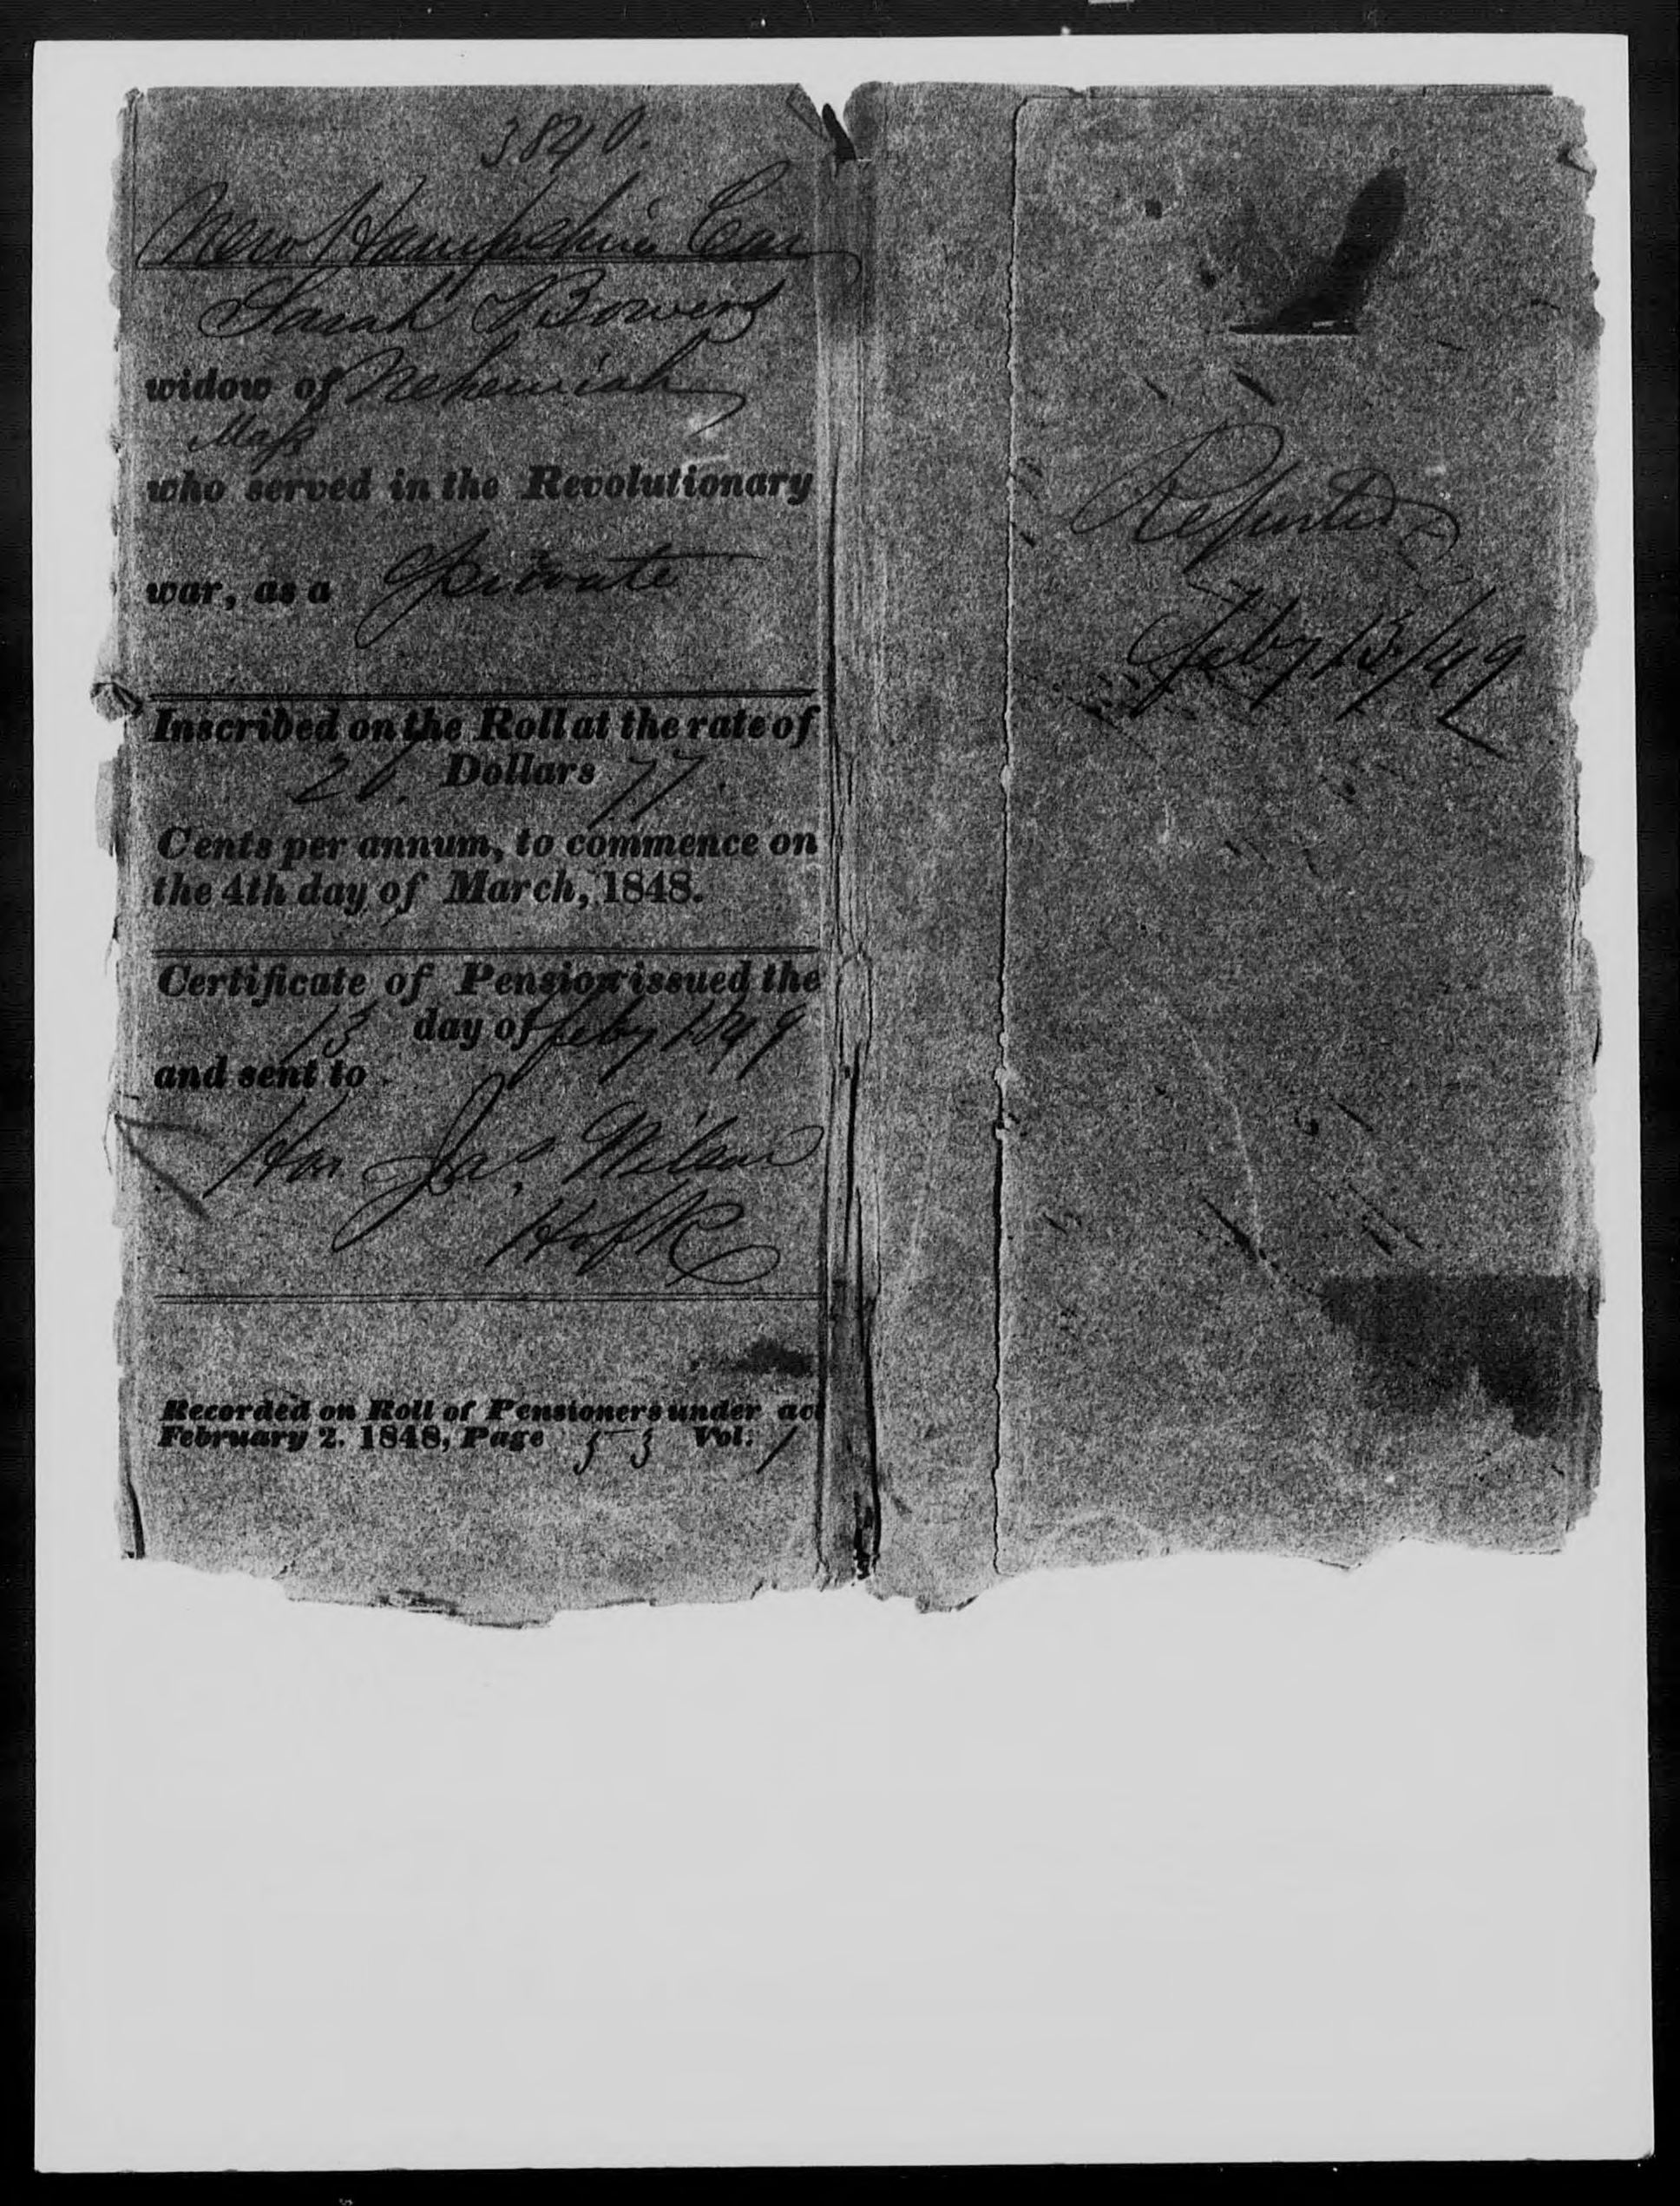[left side of page]
3840
New Hampshire Car
Sarah Bowers
widow of Nehemiah
who served in the Revolutionary
war, as a private
___________________
Inscribed on the Roll at the rate of
26 Dollars 77
Cents per annum, to commence on
the 4th day of March, 1848.
____________________
Certificate of Pension issued the
13 day of Feby 1849
and sent to
Hon. Jas. Wilson
HofR
=================
Recorded on Roll of Pensioners under act
February 2, 1848, Page 53 Vol: 1

[right side of page]
Reported
Feby 13/49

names: Jas Wilson, Sarah Bowers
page: 3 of 42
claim: widow's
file: W. 23,652, Nehemiah Bowers, Mass.